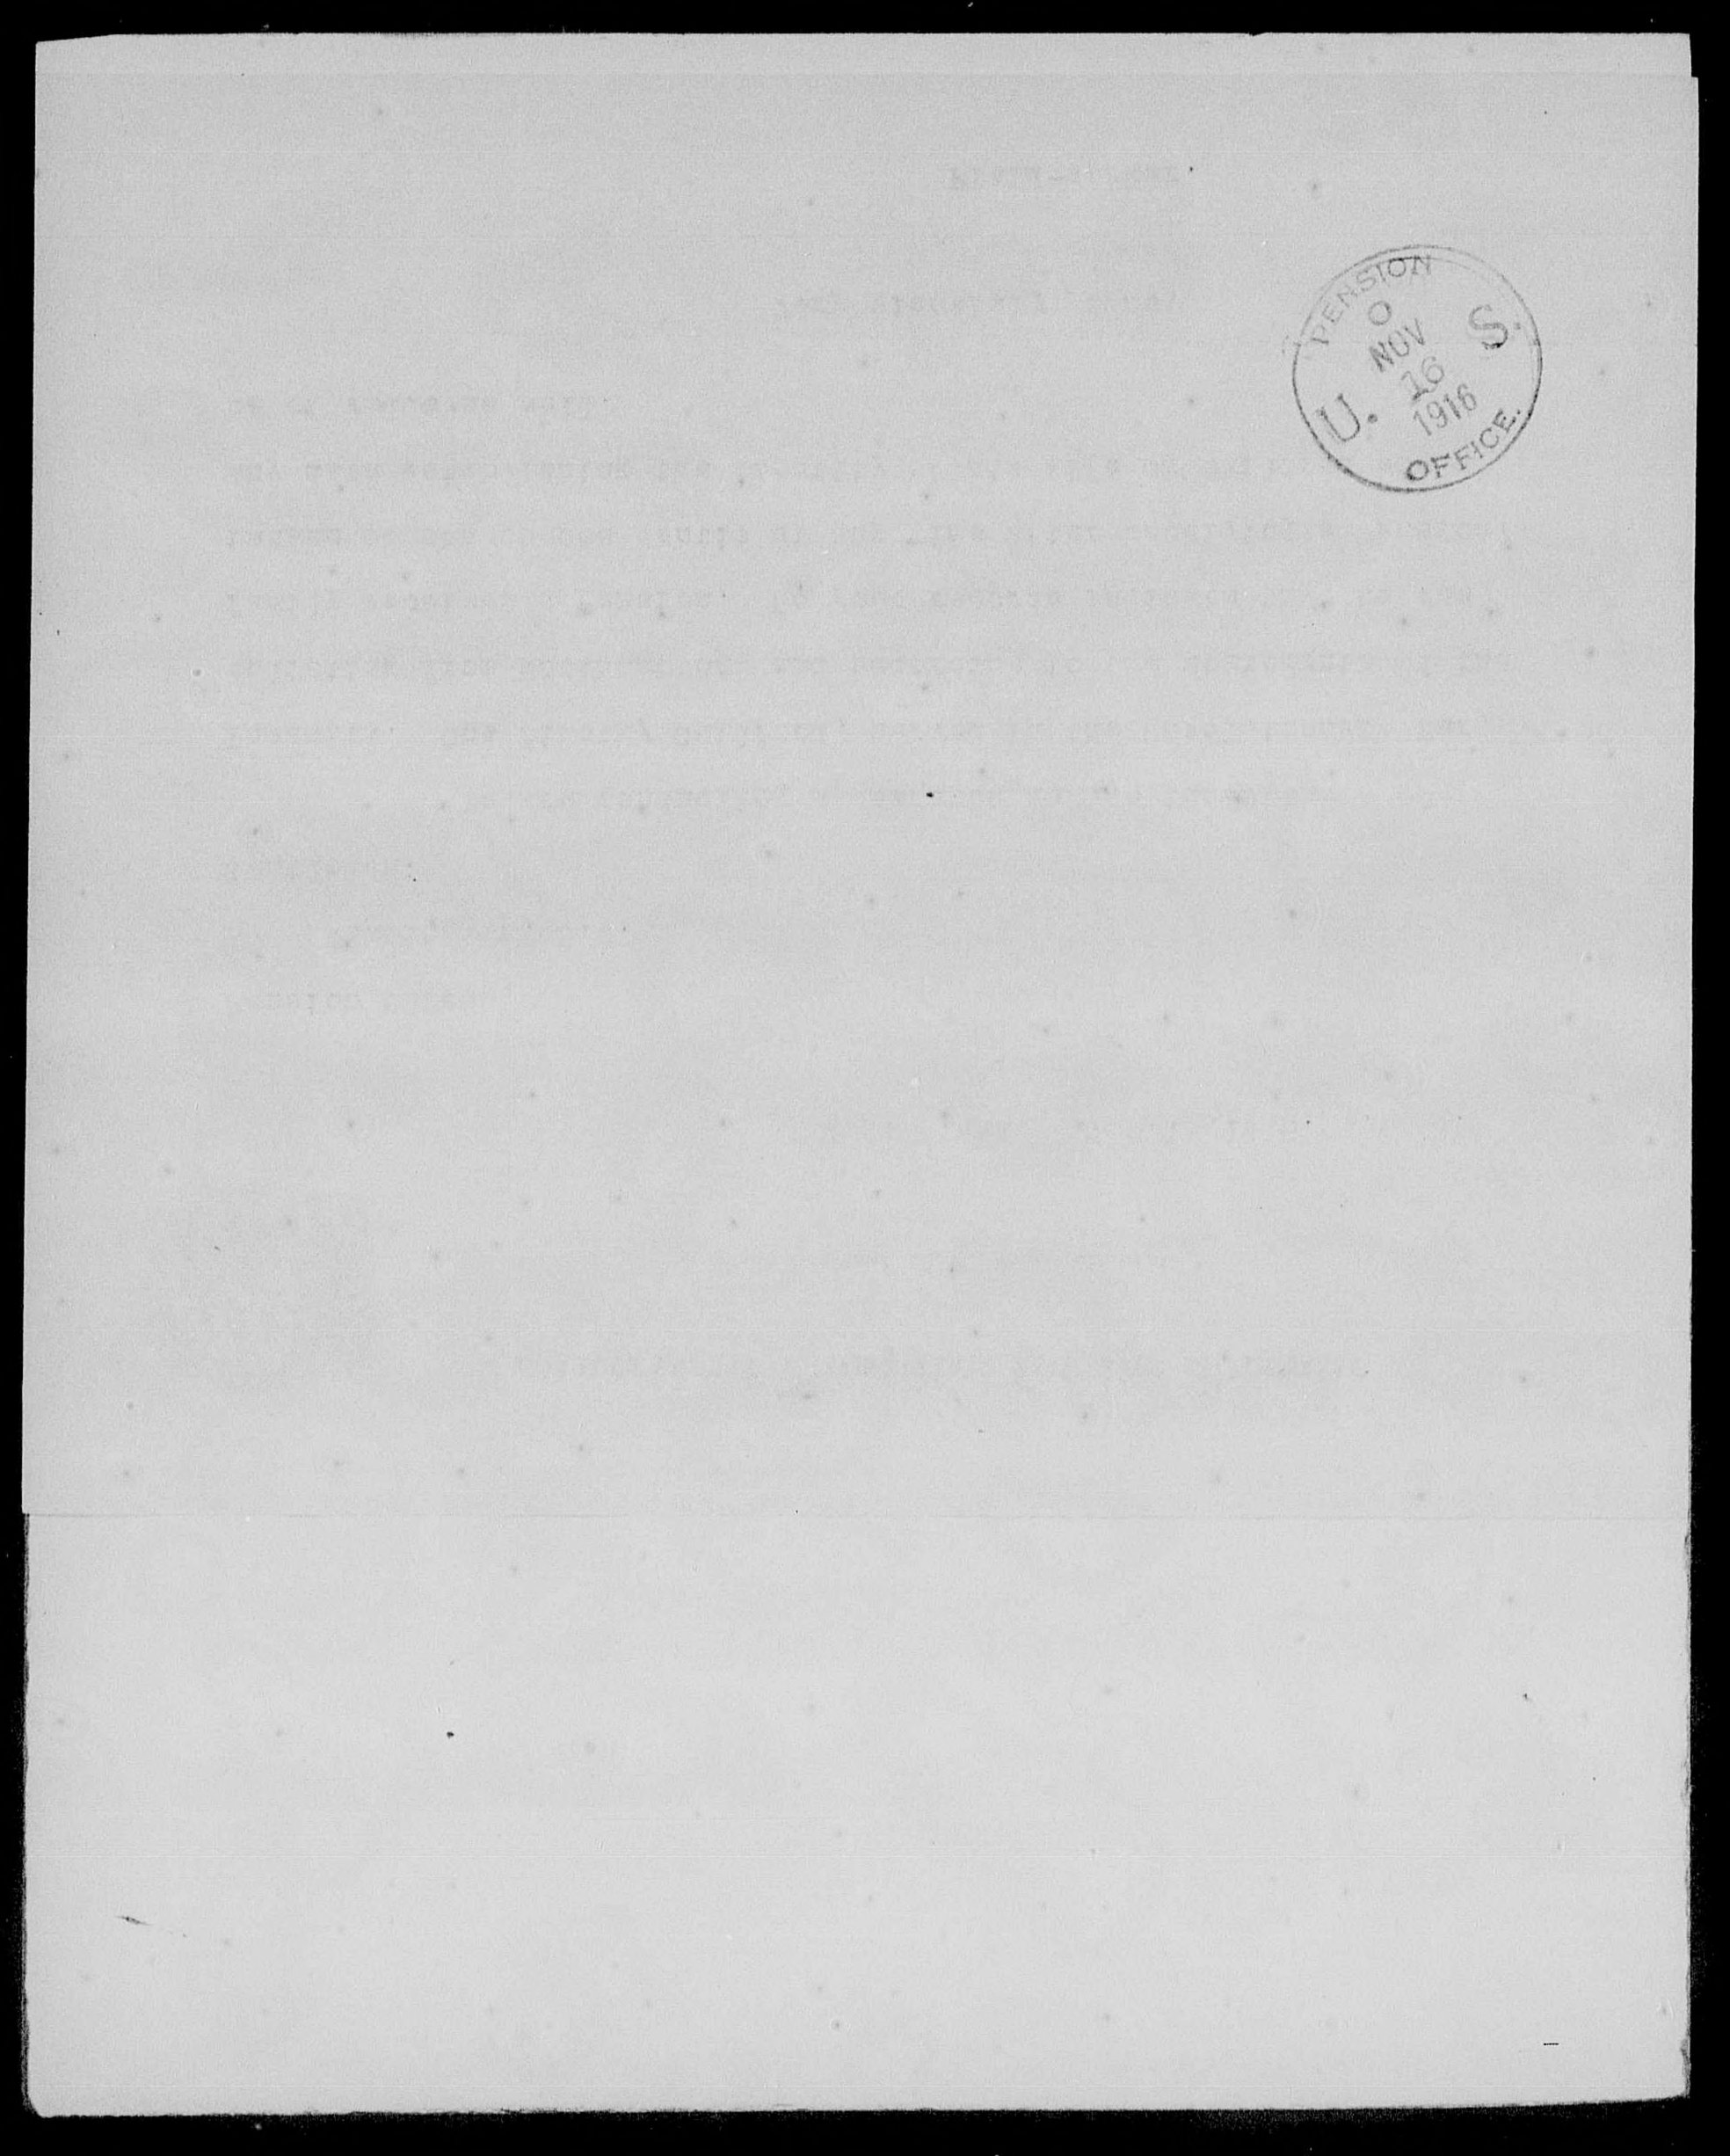[small ink stamp in upper right corner with the words "PENSION O NOV 16 1916 OFFICE." placed between the letters "U." and "S."]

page: 20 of 26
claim: widow's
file: W. 21,238, Timothy Guilford, Mass.